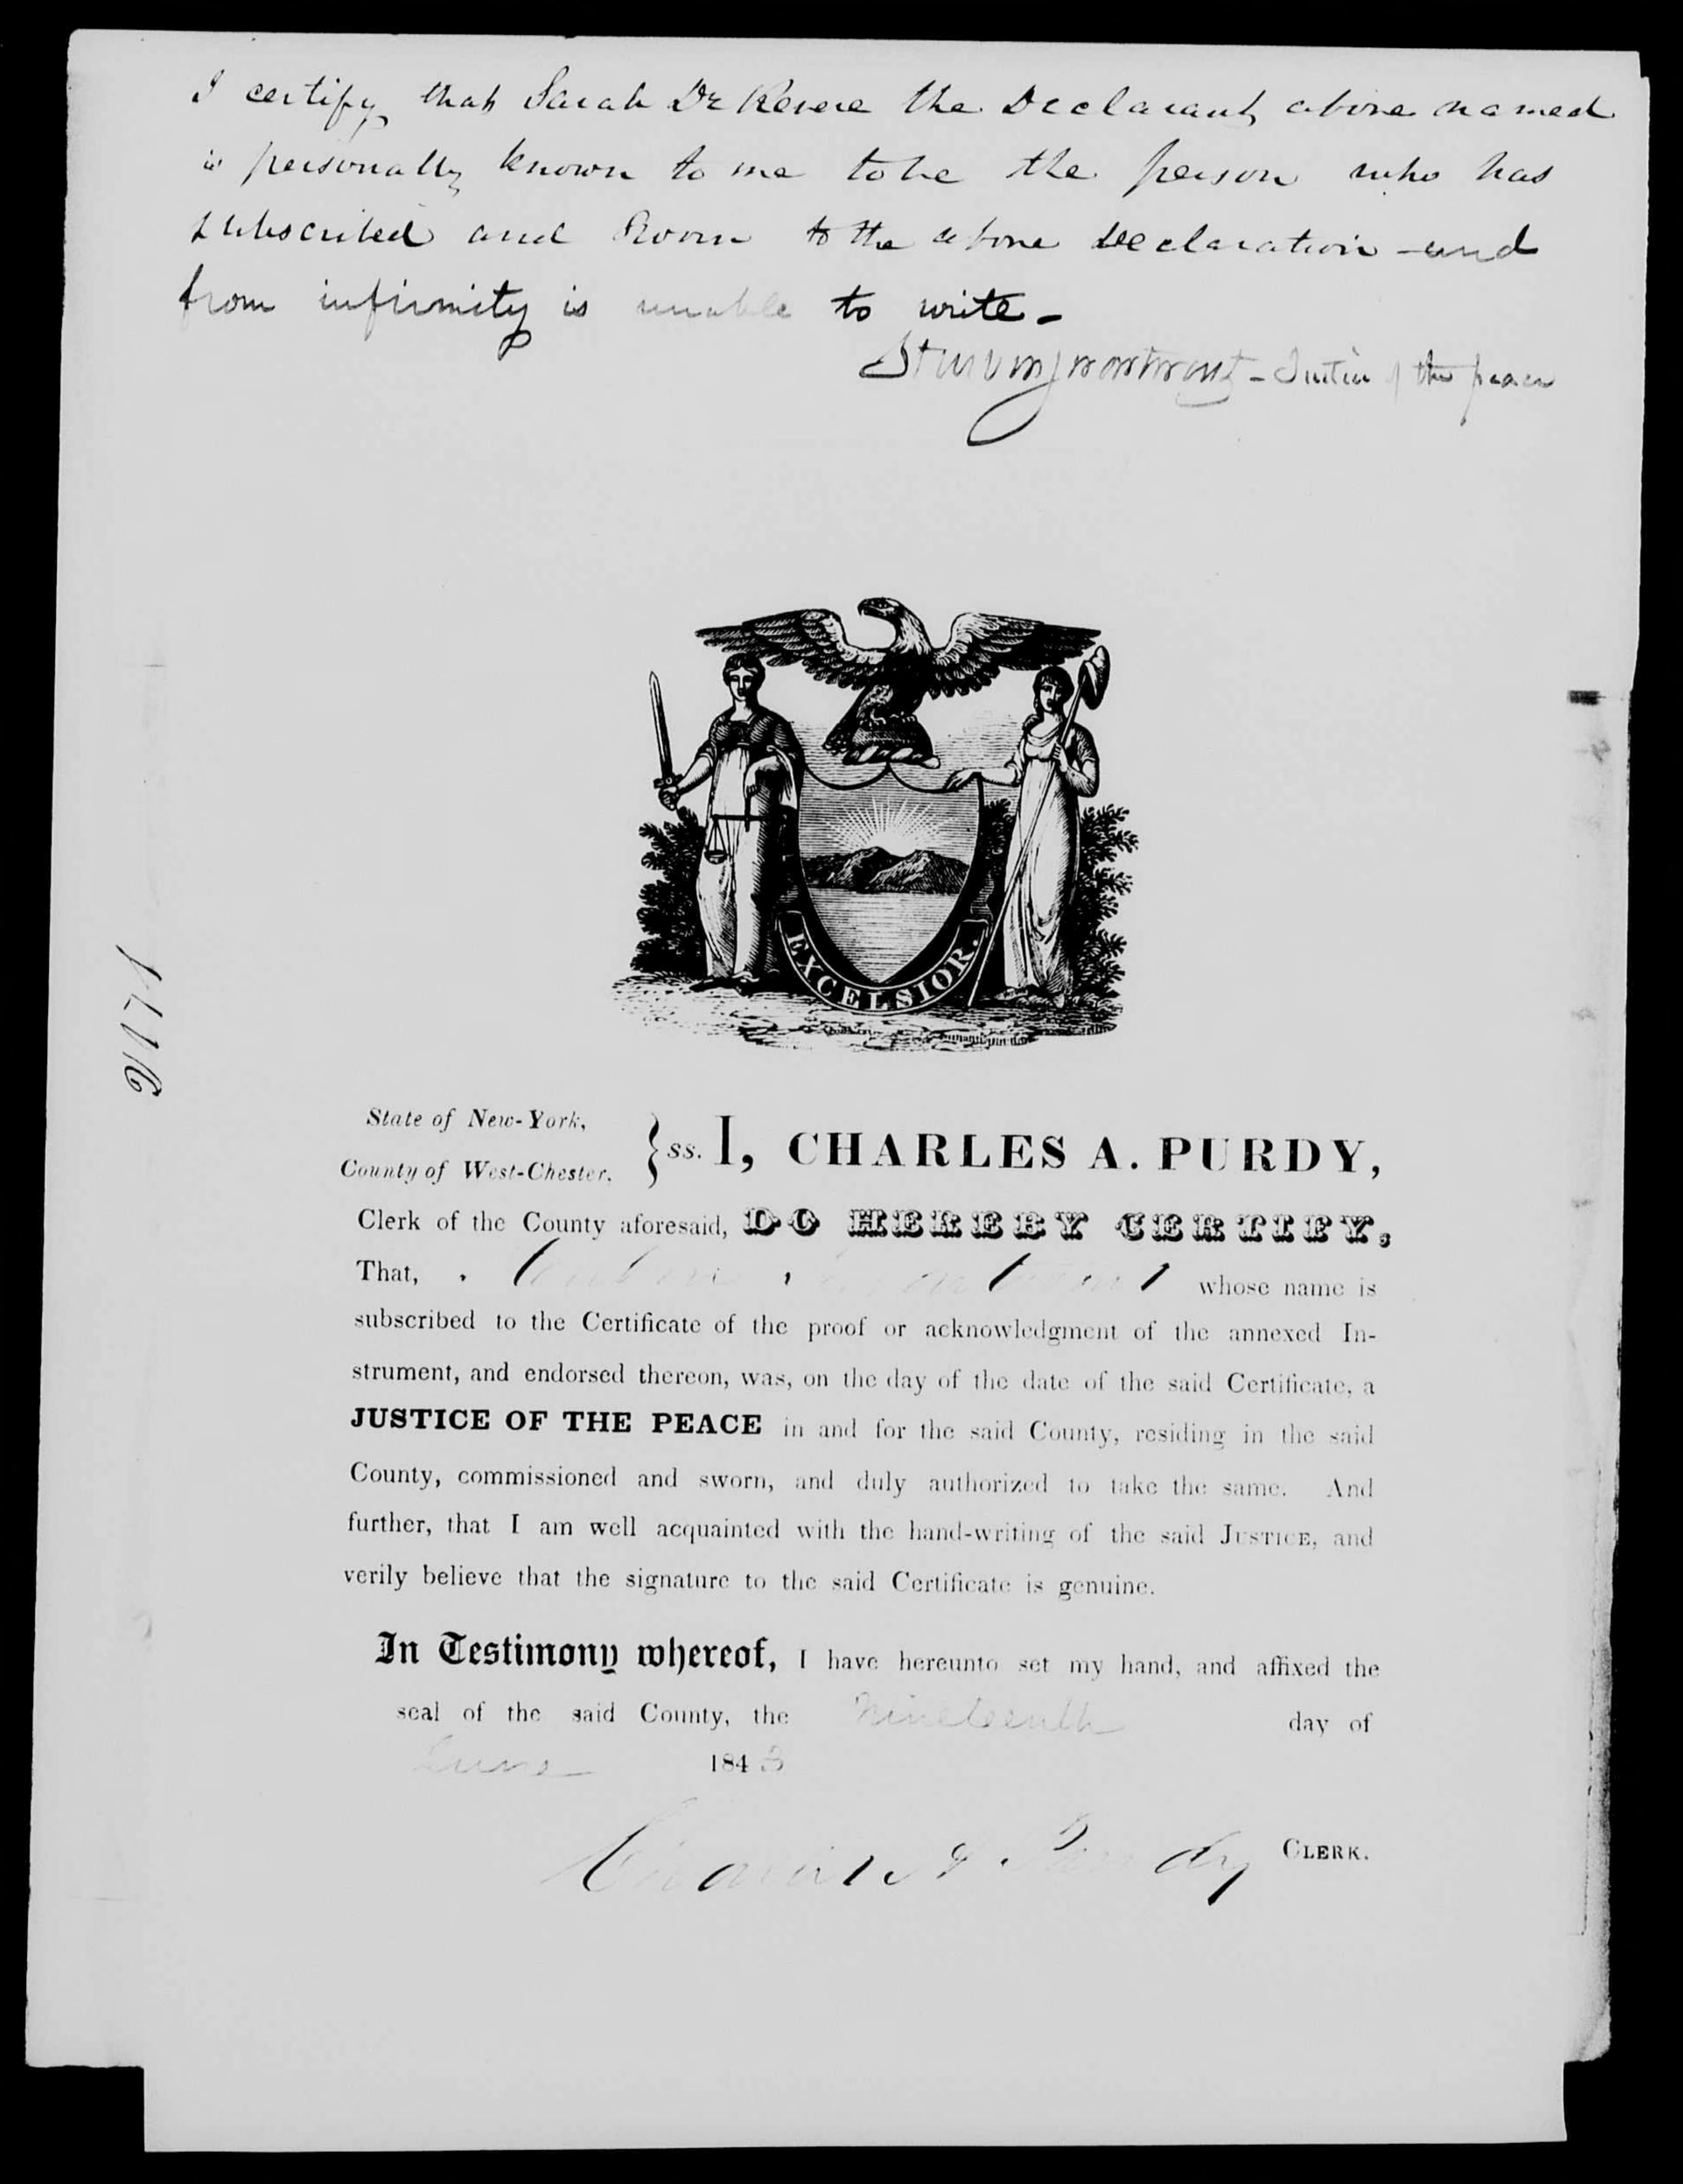I certify that Sarah DeRevere the Declarant above named is personally known to me to be the person who has subscribed and sworn to the above declaration - and from infirmity is unable to write -
[signed] Steuben Swartwout - Justice of the peace

[large image in center of page shows a shield in center with the image of a sunrise over two mountains with shimmering water in the foreground.  Above the shield is a large eagle with wings spread looking to left (eagle's right).  The eagle is standing on a half dome shaped platform or pedestal. Below the shield is the word "EXCELSIOR" curved upwards.  Standing against the left side of the shield is a man wearing loose fitting top and pants and a cape, and holding a sword pointed upwards in his right hand (left side of page), and a balance scale in his left hand.  Standing against the right side of the shield on right side of page, is a woman wearing a long draped garment.  She is holding a long staff in her left hand with what looks like a cap or hat balanced on the top end of staff.  Her right arm is resting on the top of the shield.  Behind each person is a leafy bush/shrub.]

State of New-York,
County of West-Chester,} ss.  I, CHARLES A. PURDY, Clerk of the County aforesaid, DO HEREBY CERTIFY, That, [handwritten name illegible due to fading - possibly Steuben Swartwout] whose name is subscribed to the Certificate of the proof or acknowledgment of the annexed Instrument, and endorsed thereon, was, on the day of the date of the said Certificate, a JUSTICE OF THE PEACE in and for the said County, residing in the said County, commissioned and sworn, and duly authorized to take the same.  And further, that I am well acquainted with the hand-writing of the said Justice, and verily believe that the signature to the said Certificate is genuine.

In Testimony whereof, [written in calligraphy] I have hereunto set my hand, and affixed the seal of the said County, the [handwritten] nineteenth [end handwritten] day of [handwritten] June [end handwritten] 184[handwritten]3
[signed] Charles A. Purdy [end handwritten] CLERK.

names: Charles A Purdy, Charles A Purdy, Sarah De Revere, Steuben Swartwout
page: 21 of 40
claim: widow's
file: W. 24057, Cornelius De Revere, New York